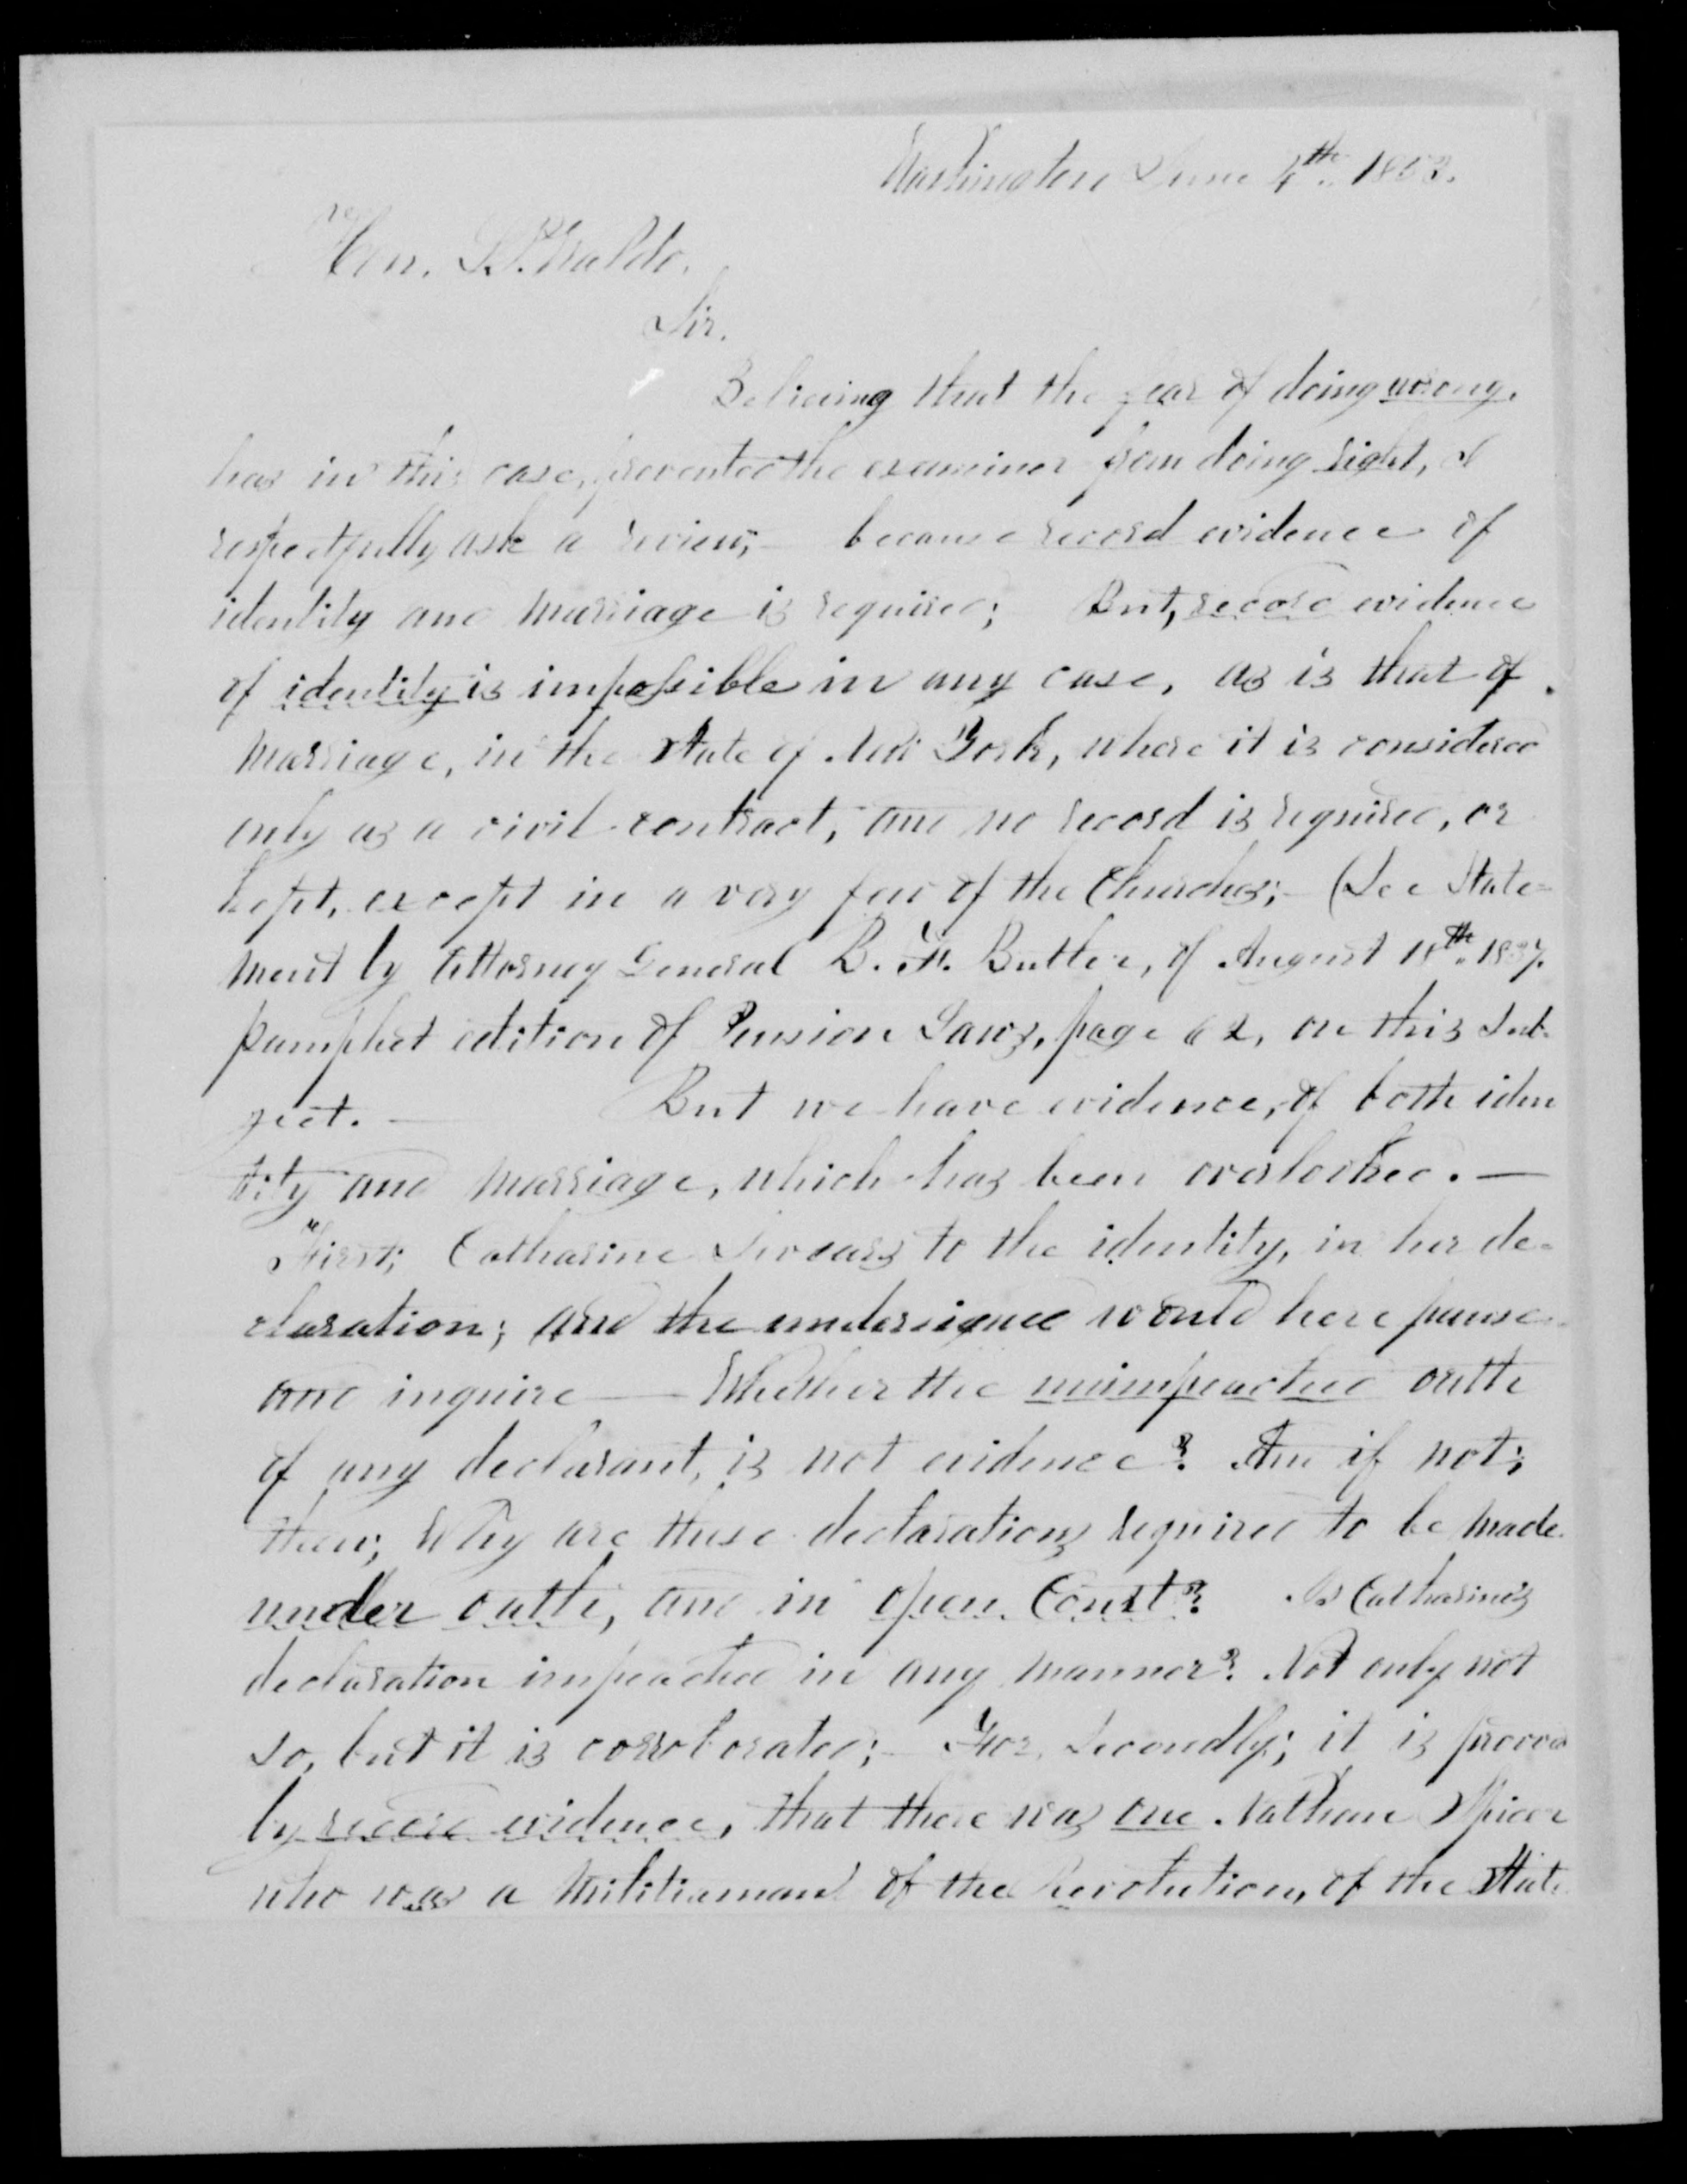Washington June 4th 1853
L.P. Waldo.
Sir,
Believing that the fear of doing wrong has in this case prevented the examiner from doing right, I respectfully ask a review because record evidence of identity and marriage is required; But, record evidence of identity is impossible in any case, as is that of marriage, in the state of New York, where it is considered only as a civil contract, and no record is required, or kept, except in a very few of the Churches; (See statement by Attorney General B. F. Butler, of August 11th. 1837. Pamphlet edition of Pension Laws, page 62, on this subject. But we have evidence of both identity and marriage, which has been overlooked. First; Catherine swears to the identity, in her declaration; and the undersigned would here pause and inquire whether the unimpeached oath of my declarant is not? And if not; then; Why are these declarations required to be made under oath, and in open Court? Is Catherine's declaration impeached in any manner? Not only not so, but it is corroborated; For secondly; it is proved by record evidence, that there was one Nathan Spicer who was a Militiaman of the Revolution of the States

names: Nathan Spicer; Catharine [BLANK]; L P Waldo; Catharine [BLANK]; B F Butler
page: 25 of 33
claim: rejected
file: R. 5603, for Nathan Spicer, New York